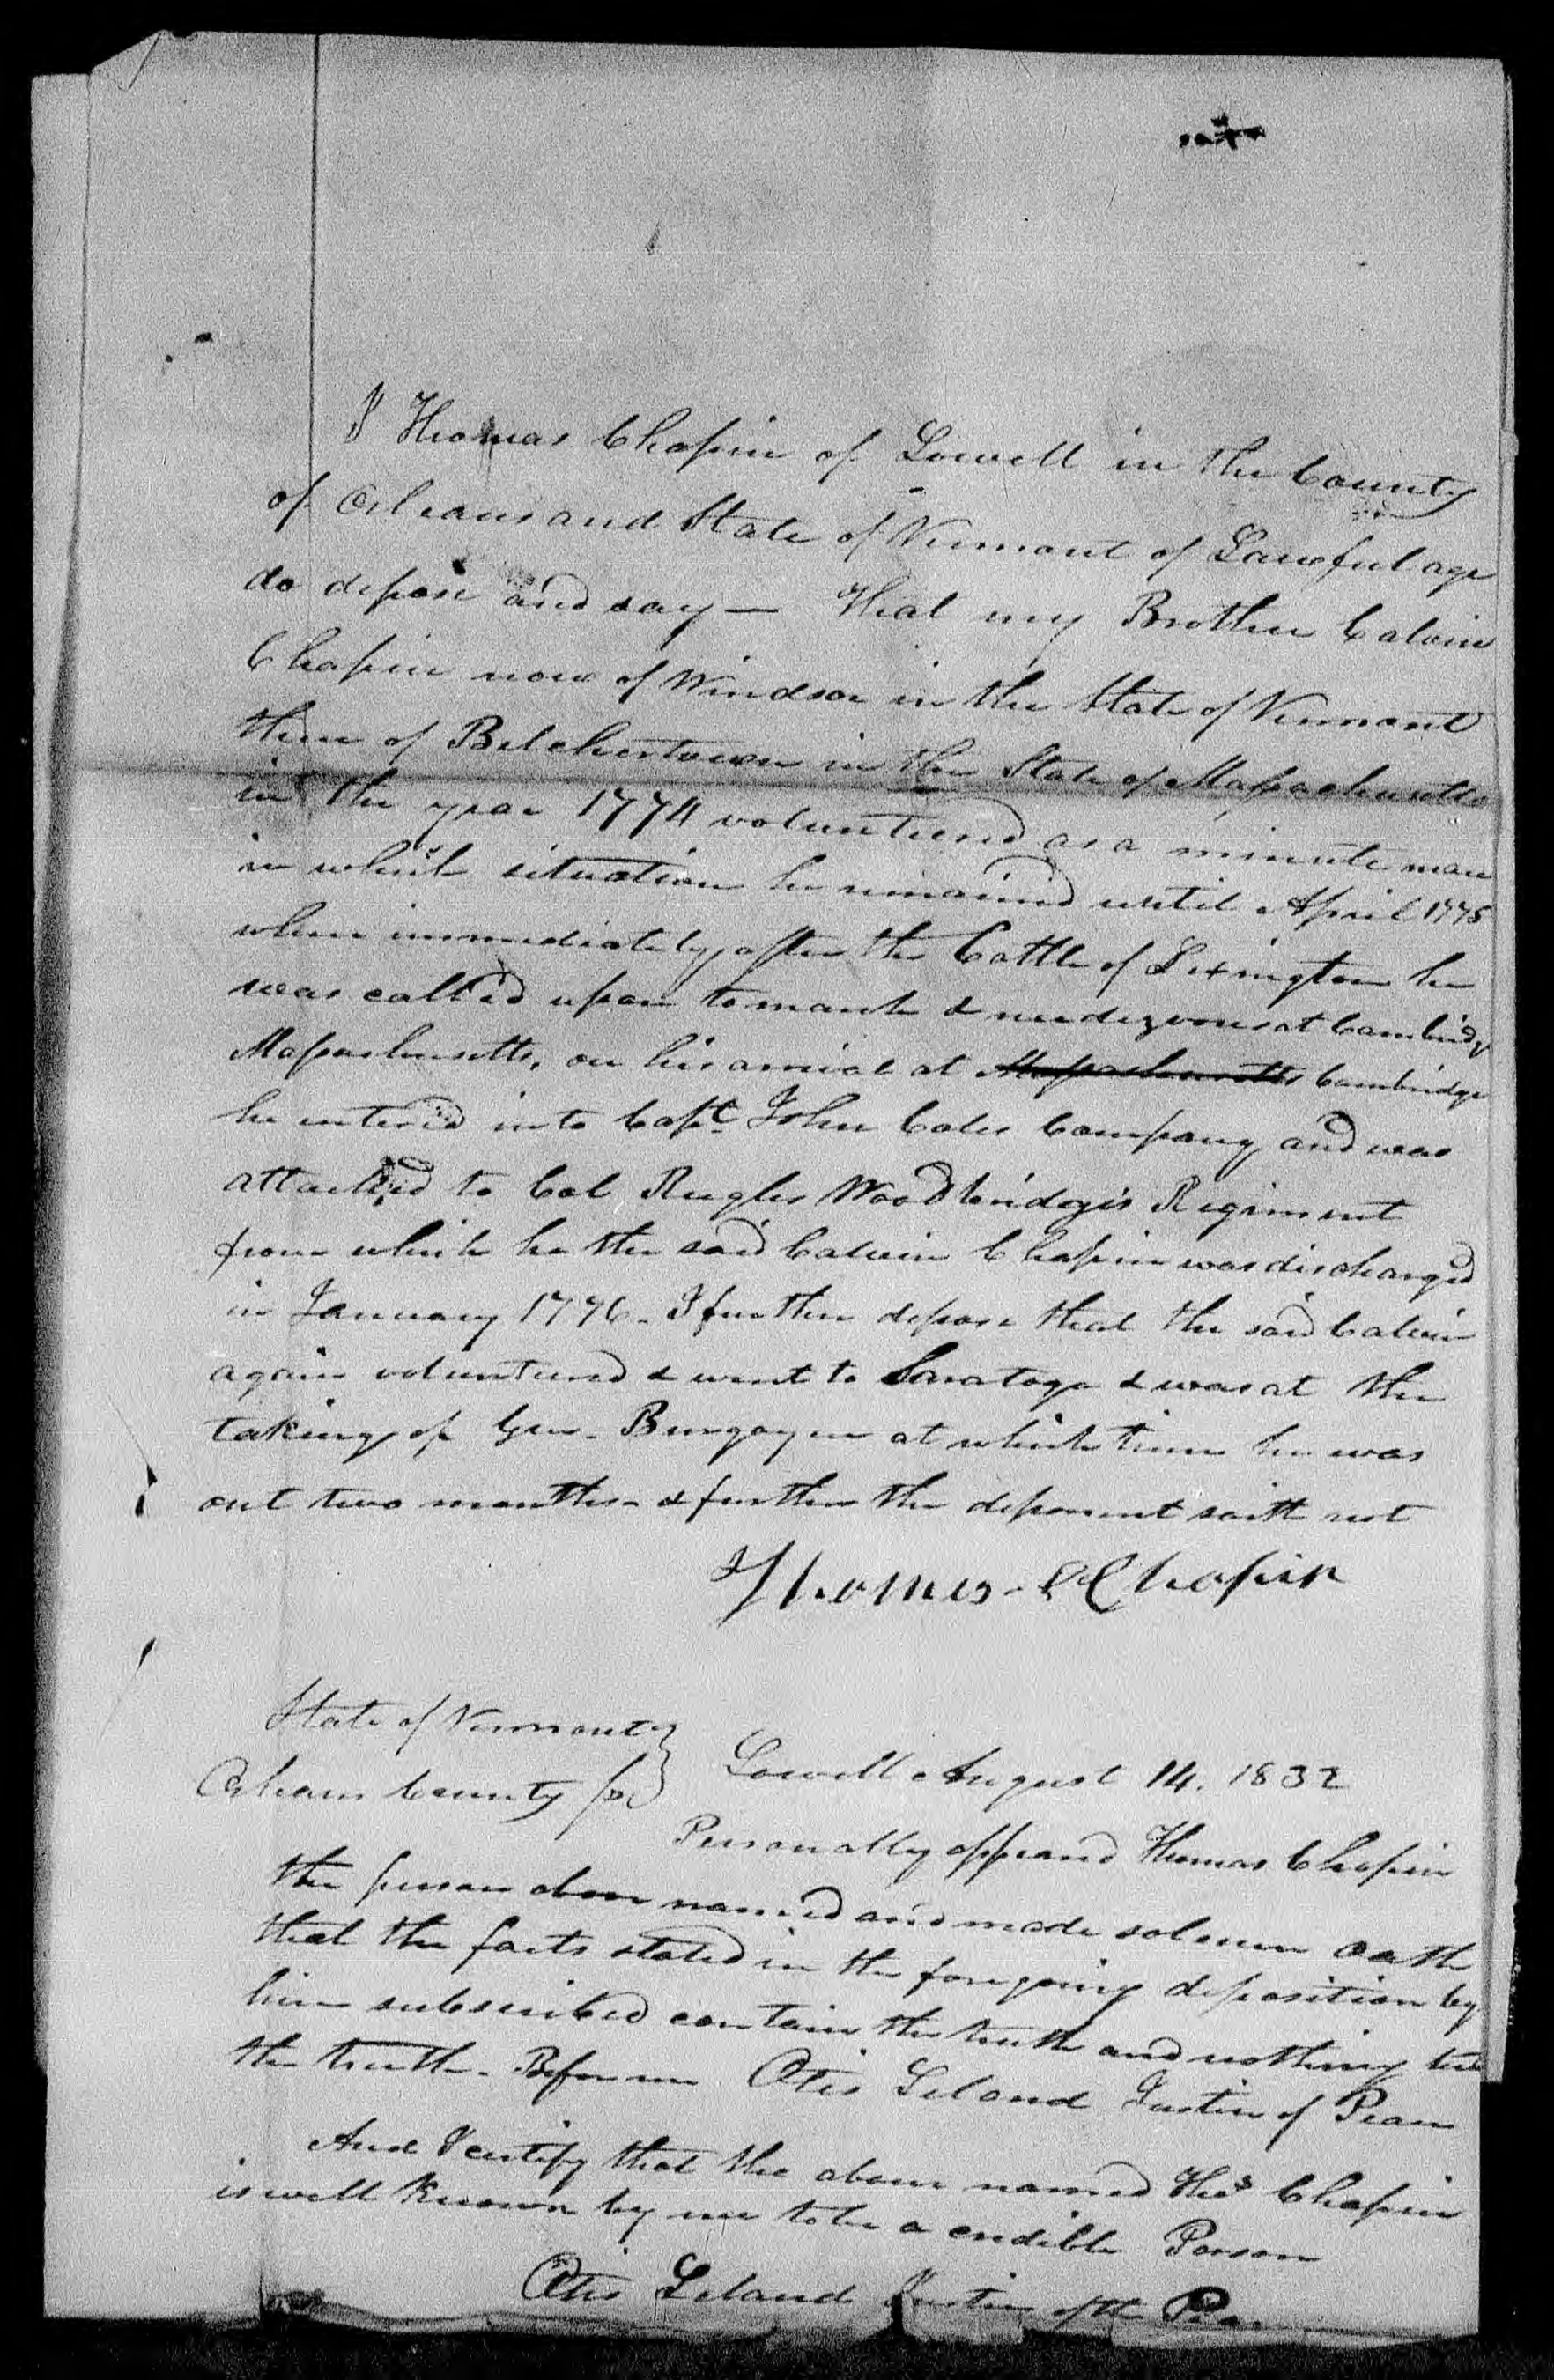I Thomas Chapin in Lowell in the County of Orleans and State of Vermont of Lawful age do depose and say - That my Brother Calvin Chapin now of Windsor in the State of Vermont then of Belchertown in the State of Massachusetts in the year 1774 volunteered as a minute man in which situation he remained until April 1775 when immediately after the battle of Lexington he was called upon to march + rendezvous at Cambridge Massachusetts, on his arrival at ['Massachusetts' crossed out] Cambridge he entered into Capt. John Coles Company and was attached to Col. Ruggles Woodbridge's Regiment from which he the said Calvin Chapin was discharged in January 1776. I further depose that the said Calvin again volunteered + went to Saratoga + was at the taking of Gen. Burgoyne at which time he was out town months + further the deponent saith not
/s/Thomas R Chapin

State of Vermont
Orleans County ss} Lowell August 14, 1832
Personally appeared Thomas Chapin that person above named and made solemn oath that the facts stated in the foregoing deposition by him subscribed contains the truth and nothing but the truth. Before me /s/Otis Leland Justice of Peace
And certify that the above named Thos Chapin is well known by me to be a credible Person
/s/Otis Leland Justice of the Peace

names: Calvin Chapin, Thos Chapin, Calvin Chapin, Thomas Chapin, Otis Leland, Thomes S Chapin, Burgoyne, Thomas Chapin, Calvin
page: 14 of 35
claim: widow's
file: W. 20,864, Calvin Chapin, Mass. Vt.